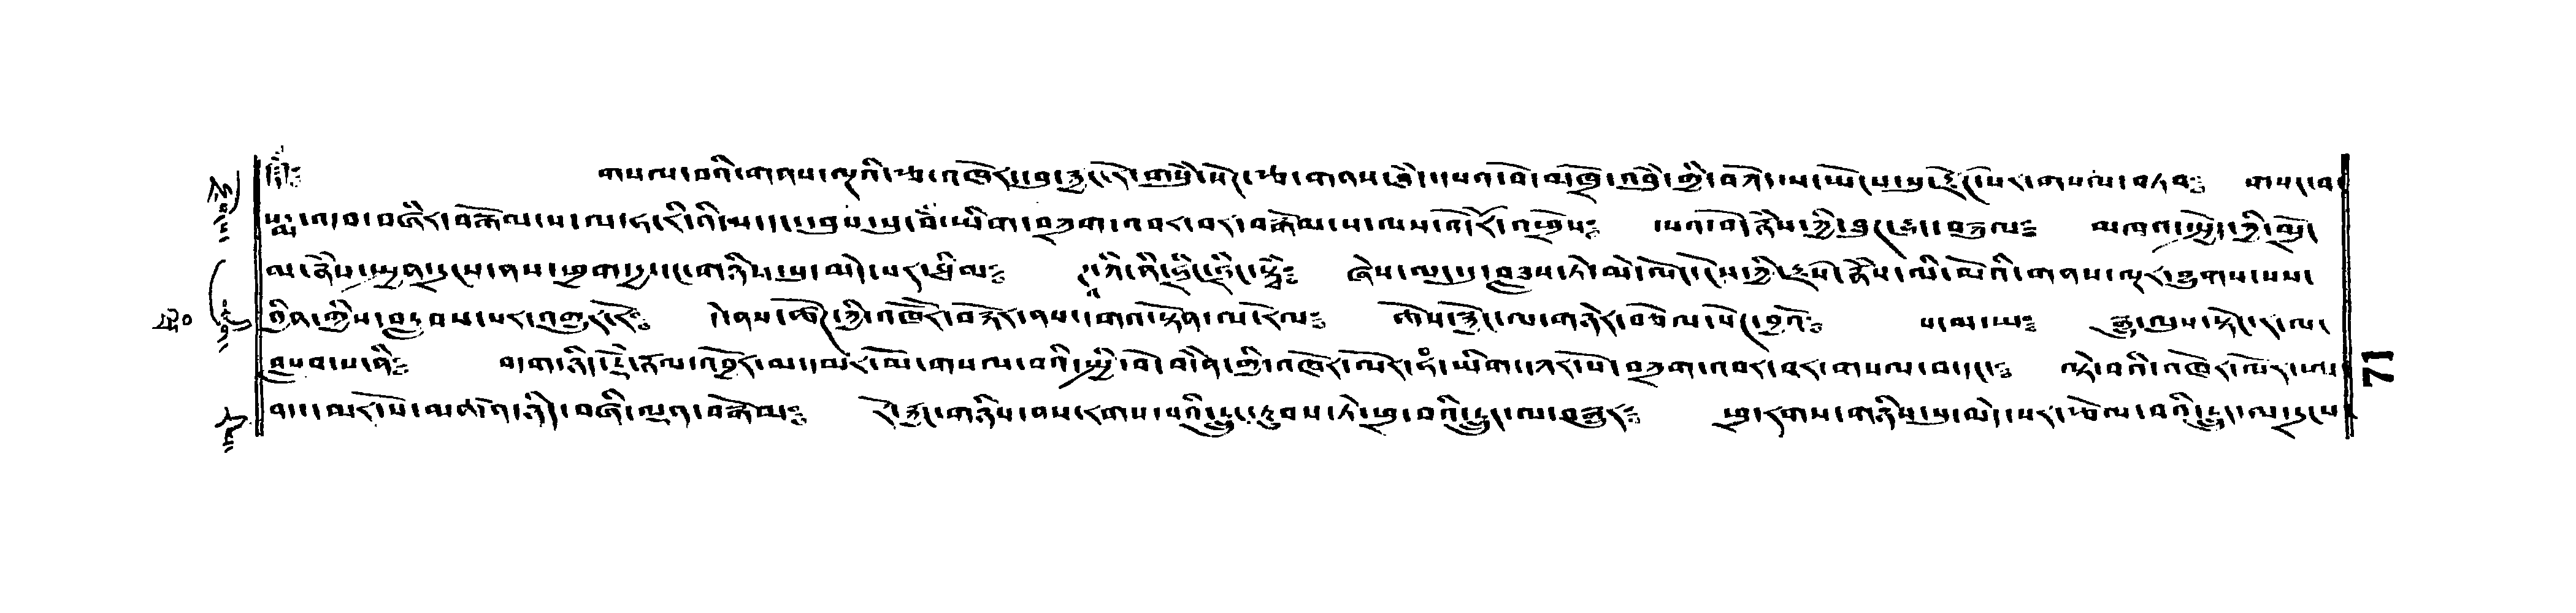གསལ་བའི་གནས་ལྔའི་རྩ་འཁོར་དབུ་རྐྱང་གནས་ཐམས་ཅད་དཔའ་བོ་མཁའ་འགྲོ་འབུམ་གྱི་བཀོད་པ་ཡོངས་སུ་རྫོགས་པར་གསལ་བཏབ༔ གསང་བ་
པདྨ་འདབ་བཞིར་བསྒོམ་པ་ལ་ཧ་རི་ནི་ས་དང་དབུས་སུ་བྃ་ཡིག་བཀྲག་འབར་བར་བསྒོམ་པ་ལས་འོད་ཟེར་འཕྲོས༔ དཔའ་བོ་རྣམས་ཀྱི་ཐུགས་རྒྱུད་བསྐུལ༔ མཁའ་སྤྱོད་ཀྱི་མཁའ་འགྲོ་
མ་རྣམས་སྤྱན་དྲངས་ནས་ཕྱག་རྒྱ་དང་གཉིས་སུ་མེད་པར་ཐིམ༔ ཌཱ་ཀི་ནི་ཧྲིང་ཧྲིང་སྟྭམ༔ ཞེས་མང་དུ་བཟླས་ཏེ་མེ་ལོང་ངོས་ཀྱི་རྫས་རྣམས་མི་མོའི་གནས་ལྔར་བྱུགས་པས་
བྱིན་གྱིས་བརླབས་པར་འགྱུར་རོ༔ དེ་ནས་ཚོགས་ཀྱི་འཁོར་ལོར་བསྐོར་ནས་དགའ་སྟོན་ལ་རོལ༔ ཆོས་སྐྱོང་ལ་གཉེར་བཅོལ་སོགས་བྱའོ༔ ས་མ་ཡ༔ སྒྱུ་ལུས་སྟོང་ར་ལ་
བསླབ་པ་ནི༔ བདག་ཉིད་རྡོ་རྗེ་རྣལ་འབྱོར་མ་དམར་མོ་གསལ་བའི་སྤྱི་བོ་བདེ་ཆེན་གྱི་འཁོར་ལོར་ཧཾ་ཡིག་དཀར་པོ་བཀྲག་འབར་བར་གསལ་བ་དང༔ ལྟེ་བའི་འཁོར་ལོར་ཨ་
ཤད་དམར་པོ་མཚན་ཉིད་བཞི་ལྡན་བསྒོམ༔ རོ་རྐྱང་གཉིས་ནས་རགས་པའི་རླུང་རྔུབས་ཏེ་ཕྲ་བའི་རླུང་ལ་བསྒྱུར༔ ཕྲ་རགས་གཉིས་སུ་མེད་པར་རྩོལ་བའི་རླུང་ལ་དྲངས་